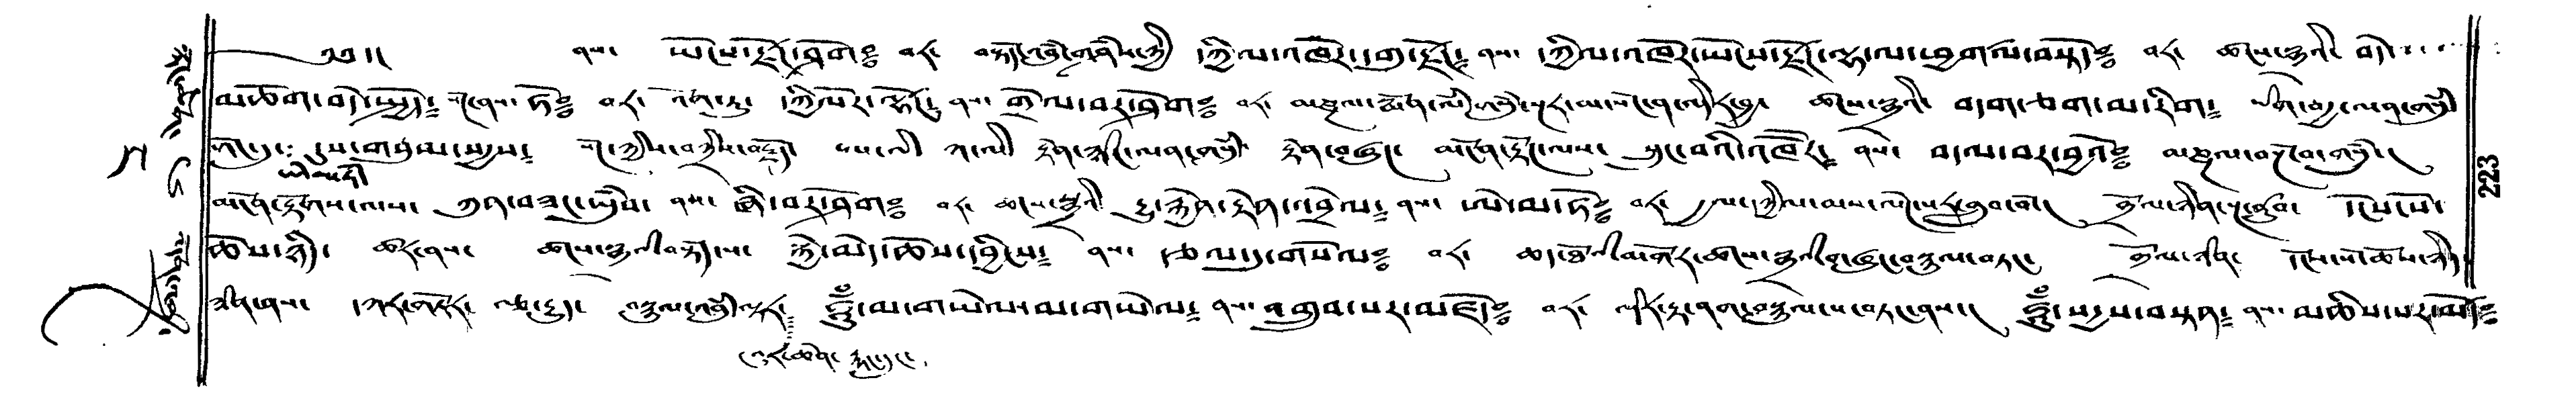ནས། ཡོངས་རྫོགས་ཤོག༔ བར། བསྟོད་འབུམ་གཤམ་གྱི། དཀྱིལ་འཁོར་དགུ་རྫོགས༴ ནས། དཀྱིལ་འཁོར་ཡོངས་རྫོགས་ལྷ་ལ་ཕྱག་འཚལ་བསྟོད༔ བར། ཚངས་སྒྲའི། བདེ་
མཆོག་བདེ་སྤྱོད༴ སོགས་ནས། ཧོ༔ བར། འོག་ཏུ། དཀྱིལ་འཁོར་ལྷ་ཚོགས༴ ནས། གྲོལ་བར་ཤོག༔ བར། མཎྜལ་སྨོན་ལམ་གསུམ་སྔར་མ་སོང་ན་འདིར་བྱ། ཚངས་སྒྲའི། བདག་ཅག་མ་རིག༴ ཡིག་བརྒྱ་ལན་གསུམ་
གོང་དུ། ཨེ་མ་ཧོ༔ དུས་གསུམ་སངས་རྒྱས༴ སོགས་ཀྱིས་བཀྲ་ཤིས་བརྗོད། ཨ་ལི། ཀ་ལི། རྟེན་སྙིང་ལན་གསུམ། རྟེན་བཞུགས། མངོན་རྟོགས་ལས། སྲུང་བའི་འཁོར་ལོར༴ ནས། བརྡལ་བར་བྱའོ༔ མཎྜལ་བསྔོ་བ་གསུམ། 
མངོན་རྟོགས་ལས། ཀུན་བཟང་ཡབ་ཡུམ༴ ནས། ཞི་བར་ཤོག༔ བར། ཚངས་སྒྲའི། རྒྱུ་རྐྱེན་རྟེན་འབྲེལ༴ ནས། ཨེ་མ་ཧོ༔ བར། རྒྱལ་དཀྱིལ་མས་ལེགས་པར་གྲུབ་བོ། གྲོལ་ཉིན་སྔ་ནུབ། དངོས་པོ་
ཆོས་ཉིད༴ ཚར་ནས། ཚངས་སྒྲའི་བསྟོད་པ། སྐྱེ་མེད་ཆོས་དབྱིངས༴ ནས། བསྩལ་དུ་གསོལ༔ བར། ཆད་ཐོའི་མགོར་ཚངས་སྒྲའི་གཞུང་བསྐུལ་གཏང་། གྲོལ་ཉིན། དངོས་པོ་ཆོས་ཉིད༴ 
ཟིན་ནས། དཀར་གཏོར། རྩ་རྒྱུད། བསྐུལ་འབུམ་ལྟར། ཧཱུྃ༔མ་གཡེལ་མ་གཡེལ༴ ནས། འགྲུབ་པར་མཛོད༔བར། འདིར་རྟ་ནག་སྐུལ་པ་བཏང་ནས། ཧཱུྃ༔སངས་རྒྱས་བསྟན༴ ནས། མཆིས་པར་མཛོད༔